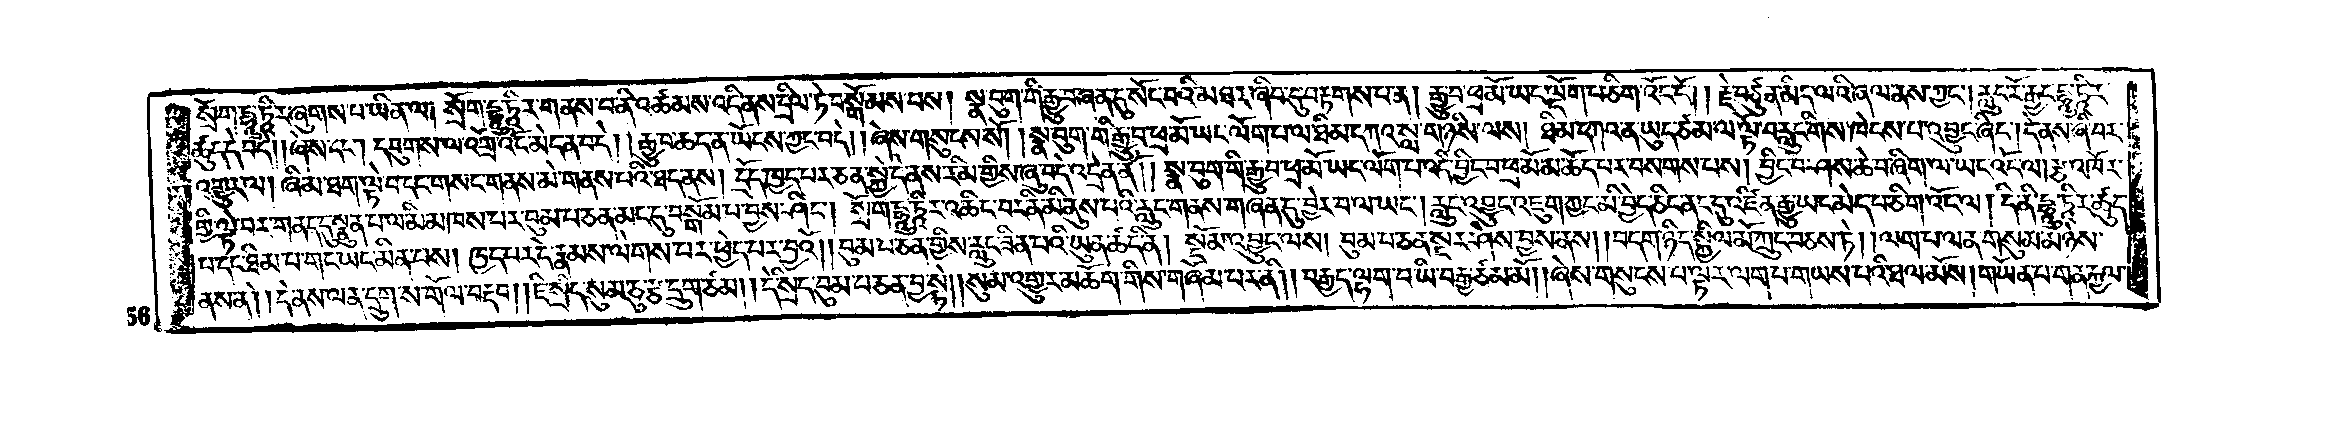སྲོག་དྷཱུ་ཏཱིར་ཞུགས་པ་ཡིན་ལ། སྲོག་དྷཱུ་ཏཱིར་གནས་པ་ནི་འཚམས་འདི་ནས་དྲིལ་ཏེ་བསྒོམས་པས། སྣ་བུག་གི་རྒྱུ་བ་ཞན་དུ་སོང་བའི་མཐར་ཞིབ་དུ་བརྟགས་པ་ན། རྒྱུ་བ་ཕྲ་མོ་ཡང་ལྡོག་པ་ཅིག་འོང་ངོ། །རྗེ་བཙུན་མིད་ལའི་ཞལ་ནས་ཀྱང་། རླུང་རོ་རྒྱང་དྷཱུ་ཏཱིར་
ཚུད་དེ་བདེ། །ཞེས་དང་། དབུགས་ལ་འགྲེ་འོང་མེད་ན་བདེ། །རྒྱུ་བ་ཆད་ན་ཡོངས་ཀྱང་བདེ། །ཞེས་གསུངས་སོ། །སྣ་བུག་གི་རྒྱུ་བ་ཕྲ་མོ་ཡང་ལོག་པ་ལ་ཐིམ་དཀའ་སླ་གཉིས་ལས། ཐིམ་དཀའ་ན་ཡུད་ཙམ་ལ་ལྟོ་བ་རླུང་གིས་ཁེངས་པ་འབྱུང་ཞིང་། དེ་ནས་ཞི་བར་
འགྱུར་ལ། ཞིམ་ཐག་ལྟེ་བ་དང་གསང་གནས་མེ་གནས་པའི་ཐད་ནས། དྲོད་ཁྱད་པར་ཅན་སྐྱེ་དེ་ནས་རིམ་གྱིས་ཞུ་བདེ་འདྲེན་ནོ། །སྣ་བུག་གི་རྒྱུ་བ་ཕྲ་མོ་ཡང་ལོག་པ་འདི་བྱིང་བ་ཕྲ་མོ་མ་ཆོད་པར་བསགས་པས། བྱིང་བ་ཤས་ཆེ་བ་ཞིག་ལ་ཡང་འོད་ལ། རྩ་འཁོར་
གྱི་ལྟེ་བར་གནད་དུ་སྣུན་པ་ལ་མི་མཁས་པར་བུམ་པ་ཅན་མང་དུ་བསྒོམ་པ་བྱས་ཤིང་། སྲོག་དྷཱུ་ཏཱིར་འཆིང་བར་ནི་མི་ནུས་པའི་རླུང་གནས་གཞན་དུ་བྱེར་བ་ལ་ཡང་། རླུང་འབྱུང་འཇུག་ཀྱང་མི་བྱེད་ཅིང་ནང་དུ་འཛིན་རྒྱུ་ཡང་མེད་པ་ཅིག་འོང་ལ། དེ་ནི་དྷཱུ་ཏཱིར་ཚུད་
པ་དང་ཐིམ་པ་གང་ཡང་མིན་པས། ཁྱད་པར་དེ་རྣམས་ལེགས་པར་ཕྱེད་པར་བྱའོ། །བུམ་པ་ཅན་གྱིས་རླུང་ཟིན་པའི་ཡུན་ཚད་ནི། སྡོམ་འབྱུང་ལས། བུམ་པ་ཅན་སྔར་ཤེས་བྱས་ནས། །བདག་ཉིད་སྐྱིལ་མོ་ཀྲུང་བཅས་ཏེ། །ལག་པ་ལན་གསུམ་མཉེས་
ནས་ནི། །དེ་ནས་ལན་དྲུག་སེ་གོལ་བརྡབ། །ཇི་སྲིད་སུམ་ཅུ་རྩ་དྲུག་ཙམ། །དེ་སྲིད་བུམ་པ་ཅན་བྱ་སྟེ། །སུམ་འགྱུར་མཆོག་གིས་གཞོམ་པར་ནི། །བརྒྱད་ལྷག་པ་ཡི་བརྒྱ་ཙམ་མོ། །ཞེས་གསུངས་པ་ལྟར་ལག་པ་གཡས་པའི་ཐལ་མོས། གཡོན་པ་གན་རྐྱལ་